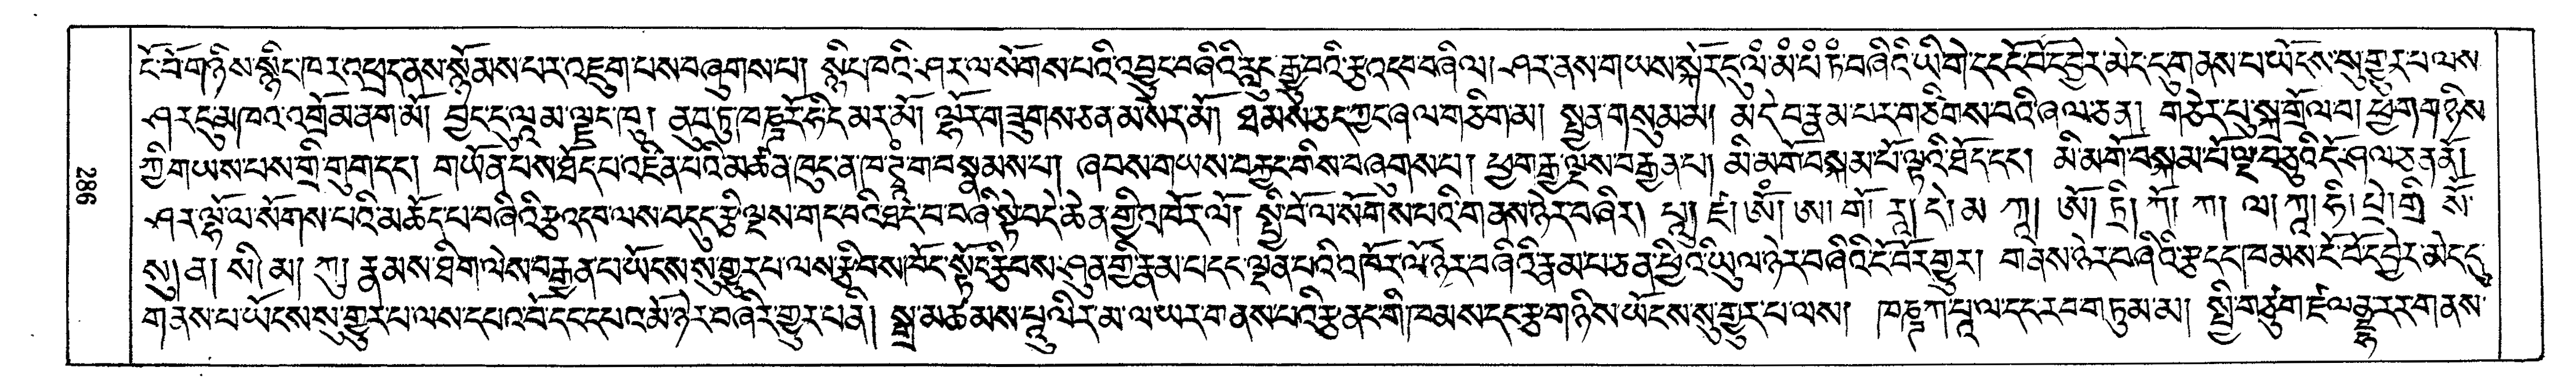ངོ་བོ་གཉིས་སྙིང་ཁར་འཕྲད་ནས་སྙོམས་པར་འཇུག་པས་བཞུགས་པ། སྙིང་ཁའི་ཤར་ལ་སོགས་པའི་འབྱུང་བཞིའི་རླུང་རྒྱུ་བའི་རྩ་འདབ་བཞི་ལ། ཤར་ནས་གཡས་སྐོར་དུ་ལཾ་མཾ་པཾ་ཏཾ་བཞིའི་ཡི་གེ་དང་ངོ་བོ་དབྱེར་མེད་དུ་གནས་པ་ཡོངས་སུ་གྱུར་པ་ལས།
ཤར་དུ་མཁའ་འགྲོ་མ་ནག་མོ་བྱང་དུ་ལཱ་མ་ལྗང་ཁུ། ནུབ་ཏུ་ཁཎྜ་རོ་ཧི་དམར་མོ། ལྷོར་གཟུགས་ཅན་མ་སེར་མོ། ཐམས་ཅད་ཀྱང་ཞལ་གཅིག་མ། སྤྱན་གསུམ་མ། མཆེ་བ་རྣམས་པར་གཙིགས་པའི་ཞལ་ཅན། གཅེར་པུ་སྐྲ་གྲོལ་བ། ཕྱག་གཉིས་
ཀྱི་གཡས་པས་གྲི་གུག་དང་། གཡོན་པས་ཐོད་པ་འཛིན་པའི་མཆན་ཁུང་ན་ཁ་ཊཱྭཾ་ག་བསྣམས་པ། ཞབས་གཡས་བརྐྱང་གིས་བཞུགས་པ། ཕྱག་རྒྱ་ལྔས་བརྒྱན་པ། མི་མགོ་བསྐམ་པོ་ལྔའི་ཐོད་དང་། མི་མགོ་བསྐམ་པོ་ལྔ་བཅུའི་དོ་ཤལ་ཅན་ནོ།།
ཤར་ལྷོ་ལ་སོགས་པའི་མཆོད་པ་བཞིའི་རྩ་འདབ་ལས་བདུད་རྩི་ལྔས་གང་བའི་ཐོད་པ་བཞི་སྟེ་བདེ་ཆེན་གྱི་འཁོར་ལོ། སྤྱི་བོ་ལ་སོགས་པའི་གནས་ཉེར་བཞིར། པཱུ། ཛ། ཨོ། ཨ། གོ། རཱ། དེ། མཱ། ཀཱ། ཨོ། ཏྲི། ཀོ། ཀ། ལ། ཀཱ། ཧི། པྲེ། གྲི། སཽ།
སུ། ན། སི། མ། ཀུ། རྣམས་ཐིག་ལེས་བརྒྱན་པ་ཡོངས་སུ་གྱུར་པ་ལས་རྩིབས་ཁོང་སྟོང་རྩིབས་ཤུན་གྱི་རྣམ་པ་དང་ལྡན་པའི་འཁོར་ལོ་ཉེར་བཞིའི་རྣམ་པ་ཅན་ཕྱིའི་ཡུལ་ཉེར་བཞིའི་ངོ་བོར་གྱུར། གནས་ཉེར་བཞིའི་རྩ་དང་ཁམས་ངོ་བོ་དབྱེར་མེད་དུ་
གནས་པ་ཡོངས་སུ་གྱུར་པ་ལས་དཔའ་བོ་དང་དཔའ་མོ་ཉེར་བཞིར་གྱུར་པ་ནི། སྐྲ་མཚམས་པཱུ་ལི་ར་མ་ལ་ཡར་གནས་པའི་རྩ་ནང་གི་ཁམས་དང་རྩ་གཉིས་ཡོངས་སུ་གྱུར་པ་ལས། ཁཎྜ་ཀ་པཱ་ལ་དང་རབ་གཏུམ་མ། སྤྱི་གཙུག་ཛ་ལནྡྷ་རར་གནས་